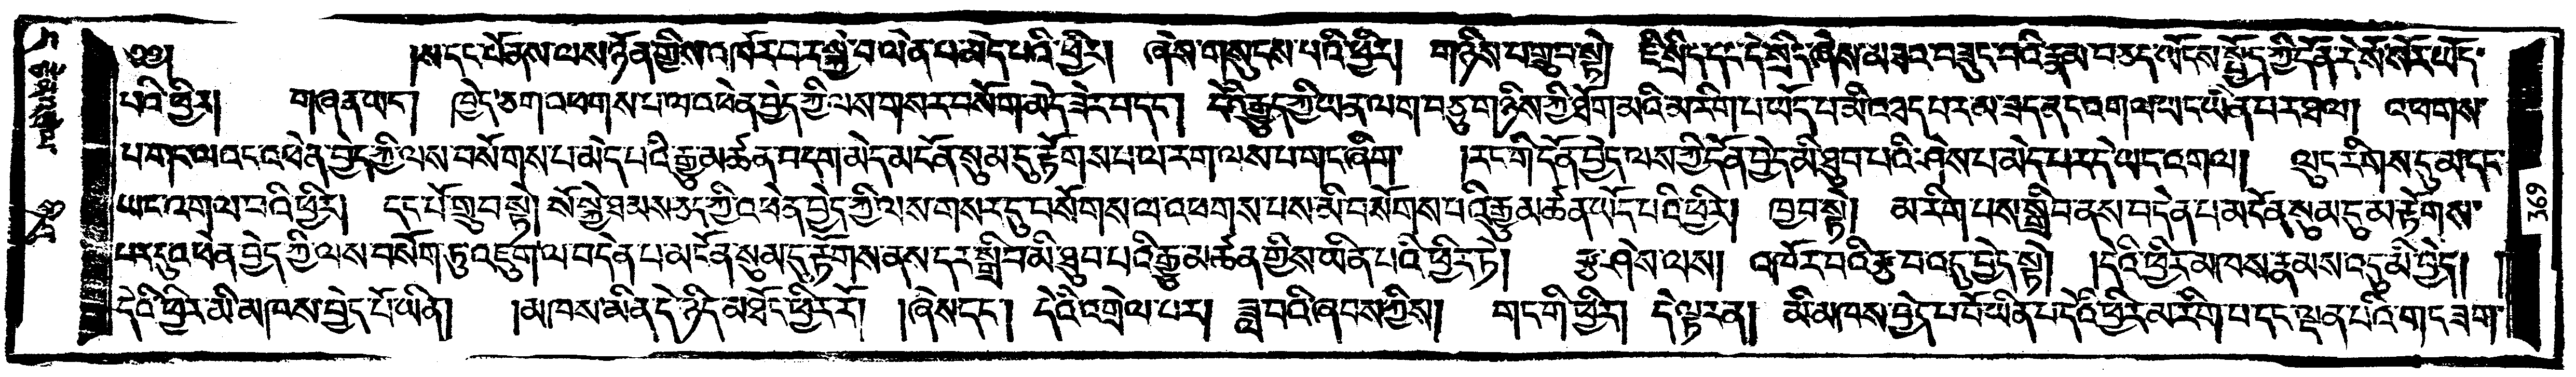༄༅། །ས་དང་པོ་ནས་ལས་ཉོན་གྱིས་འཁོར་བར་སྐྱེ་བ་ལེན་པ་མེད་པའི་ཕྱིར། ཞེས་གསུངས་པའི་ཕྱིར། གཉིས་པ་གྲུབ་སྟེ། ཇི་སྲིད་དང་དེ་སྲིད་ཞེས་མཐའ་བཟུང་བའི་རྣམ་བཅད་ལོངས་སྤྱོད་ཀྱི་དོན་རེ་སོ་སོར་ཡོད་
པའི་ཕྱིར། གཞན་ཡང་། ཁྱེད་ཅག་འཕགས་པ་ལ་འཕེན་བྱེད་ཀྱི་ལས་གསར་བསོག་མེད་ཟེར་བ་དང་། དེའི་རྒྱུད་ཀྱི་ཡན་ལག་བཅུ་གཉིས་ཀྱི་ཐོག་མའི་མ་རིག་པ་ཡོད་པ་མི་འཐད་པར་མ་ཟད་ནང་འགལ་ཡང་ཡིན་པར་ཐལ། འཕགས་
པ་གང་ལའང་འཕེན་བྱེད་ཀྱི་ལས་བསོགས་པ་མེད་པའི་རྒྱུ་མཚན་བདག་མེད་མངོན་སུམ་དུ་རྟོགས་པ་ལ་རག་ལས་པ་གང་ཞིག །རང་གི་དོན་བྱེད་ལས་ཀྱི་དོན་བྱེད་མི་ཐུབ་པའི་ཤེས་པ་མེད་པར་དེ་ཡང་འགལ། ལུང་རིགས་དུ་མ་དང་
ཡང་འགལ་བའི་ཕྱིར། དང་པོ་གྲུབ་སྟེ། སོ་སྐྱེ་ཐམས་ཅད་ཀྱི་འཕེན་བྱེད་ཀྱི་ལས་གསར་དུ་བསོགས་ལ་འཕགས་པས་མི་བསོགས་པའི་རྒྱུ་མཚན་ཡོད་པའི་ཕྱིར། ཁྱབ་སྟེ། མ་རིག་པས་སྒྲིབ་ནས་བདེན་པ་མངོན་སུམ་དུ་མ་རྟོགས་
པར་དུ་འཕེན་བྱེད་ཀྱི་ལས་བསོག་ཏུ་འཇུག་ལ་བདེན་པ་མངོན་སུམ་དུ་རྟོགས་ནས་དར་སྒྲིབ་མི་ཐུབ་པའི་རྒྱུ་མཚན་གྱིས་ཡིན་པའི་ཕྱིར་ཏེ། རྩ་ཤེས་ལས། འཁོར་བའི་རྩ་བ་འདུ་བྱེད་སྟེ། །དེའི་ཕྱིར་མཁས་རྣམས་འདུ་མི་བྱེད། །
དེའི་ཕྱིར་མི་མཁས་བྱེད་པོ་ཡིན། །མཁས་མིན་དེ་ཉིད་མཐོང་ཕྱིར་རོ། །ཞེས་དང་། དེའི་འགྲེལ་པར། ཟླ་བའི་ཞབས་ཀྱིས། གང་གི་ཕྱིར། དེ་ལྟར་ན། མི་མཁས་བྱེད་པ་པོ་ཡིན་པ་དེའི་ཕྱིར་མ་རིག་པ་དང་ལྡན་པའི་གང་ཟག་